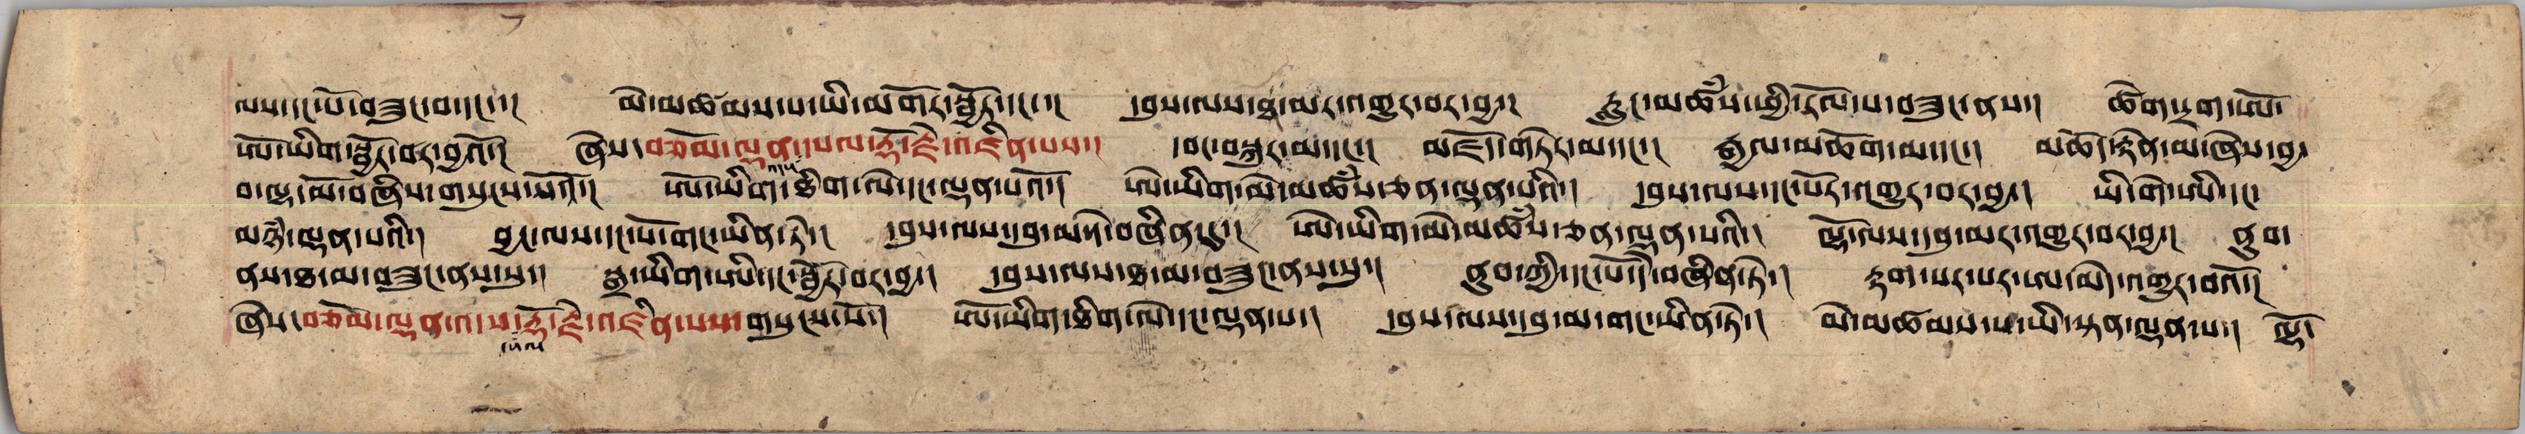ལས་དང་པོ་བཟུང་བ་དང་་། མེ་མཚམས་པ་ཡི་མགོར་སྦྱོར་དང་་། དབུས་ལས་ཐ་མར་འགྱུར་བར་བྱ་། རླུང་མཚཾས་ཕྱི་རོལ་པ་བཟུང་ནས་། ཚེག་དྲག་ཨོ་
ཨོ་ཡིག་སྦྱོར་བར་བྱའོ་། ཞེས་བཅོམ་ལྡན་འདས་དཔལ་རྡོ་རྗེ་འཛིན་པས་། དབང་བསྐུར་མ་དང་། མཛོད་གཏེར་མ་དང་། རྒྱལ་མཆོག་མ་དང་། མཆོད་རྟེན་མ་ཞེས་བྱ་
བ་ལྷ་མོ་བཞིས་གསུངས་པའོ་། ཨོ་ཡིག་ཐིག་ལེ་དང་ལྡན་པའོ་། ཨེ་ཡིག་མེ་མཚཾས་ཅན་ལྡན་པའི་། དབུས་ལས་དང་པོར་འགྱུར་བར་བྱ་། ཡི་གེ་ཨི་དང་
མཉཾ་ལྡན་པའི་། བྱང་ལས་དང་པོ་གང་ཡིན་ཏེ་། དབུས་ལས་དབུ་མ་དེ་བཞིན་དུ་། ཨེ་ཡིག་མེ་མཚཾས་ཅན་ལྡན་པའི་། ལྷོ་ལས་དབུ་མར་འགྱུར་བར་བྱ་། ནུབ་
ནས་ཐ་མ་བཟུང་ནས་སུ་། སྒྲ་ཡིག་ཨི་དང་སྦྱོར་བར་བྱ་། དབུས་ལས་ཐ་མ་བཟུང་ནས་སུ་། ནུབ་ཀྱི་དང་པོ་དེ་བཞིན་ཏེ་། རྟག་པར་པར་ཨ་མེད་འགྱུར་བའོ་།
ཞེས་བཅོམ་ལྡན་འདས་དཔལ་རྡོ་རྗེ་འཛིན་པས་གསུངས་སོ་། ཨོ་ཡིག་ཐིག་ལེ་དང་ལྡན་པ་། དབུས་ལས་དབུ་མ་གང་ཡིན་ཏེ་། མེ་མཚཾས་པ་ཡི་སྟན་ལྡན་པ་། ལྷོ་